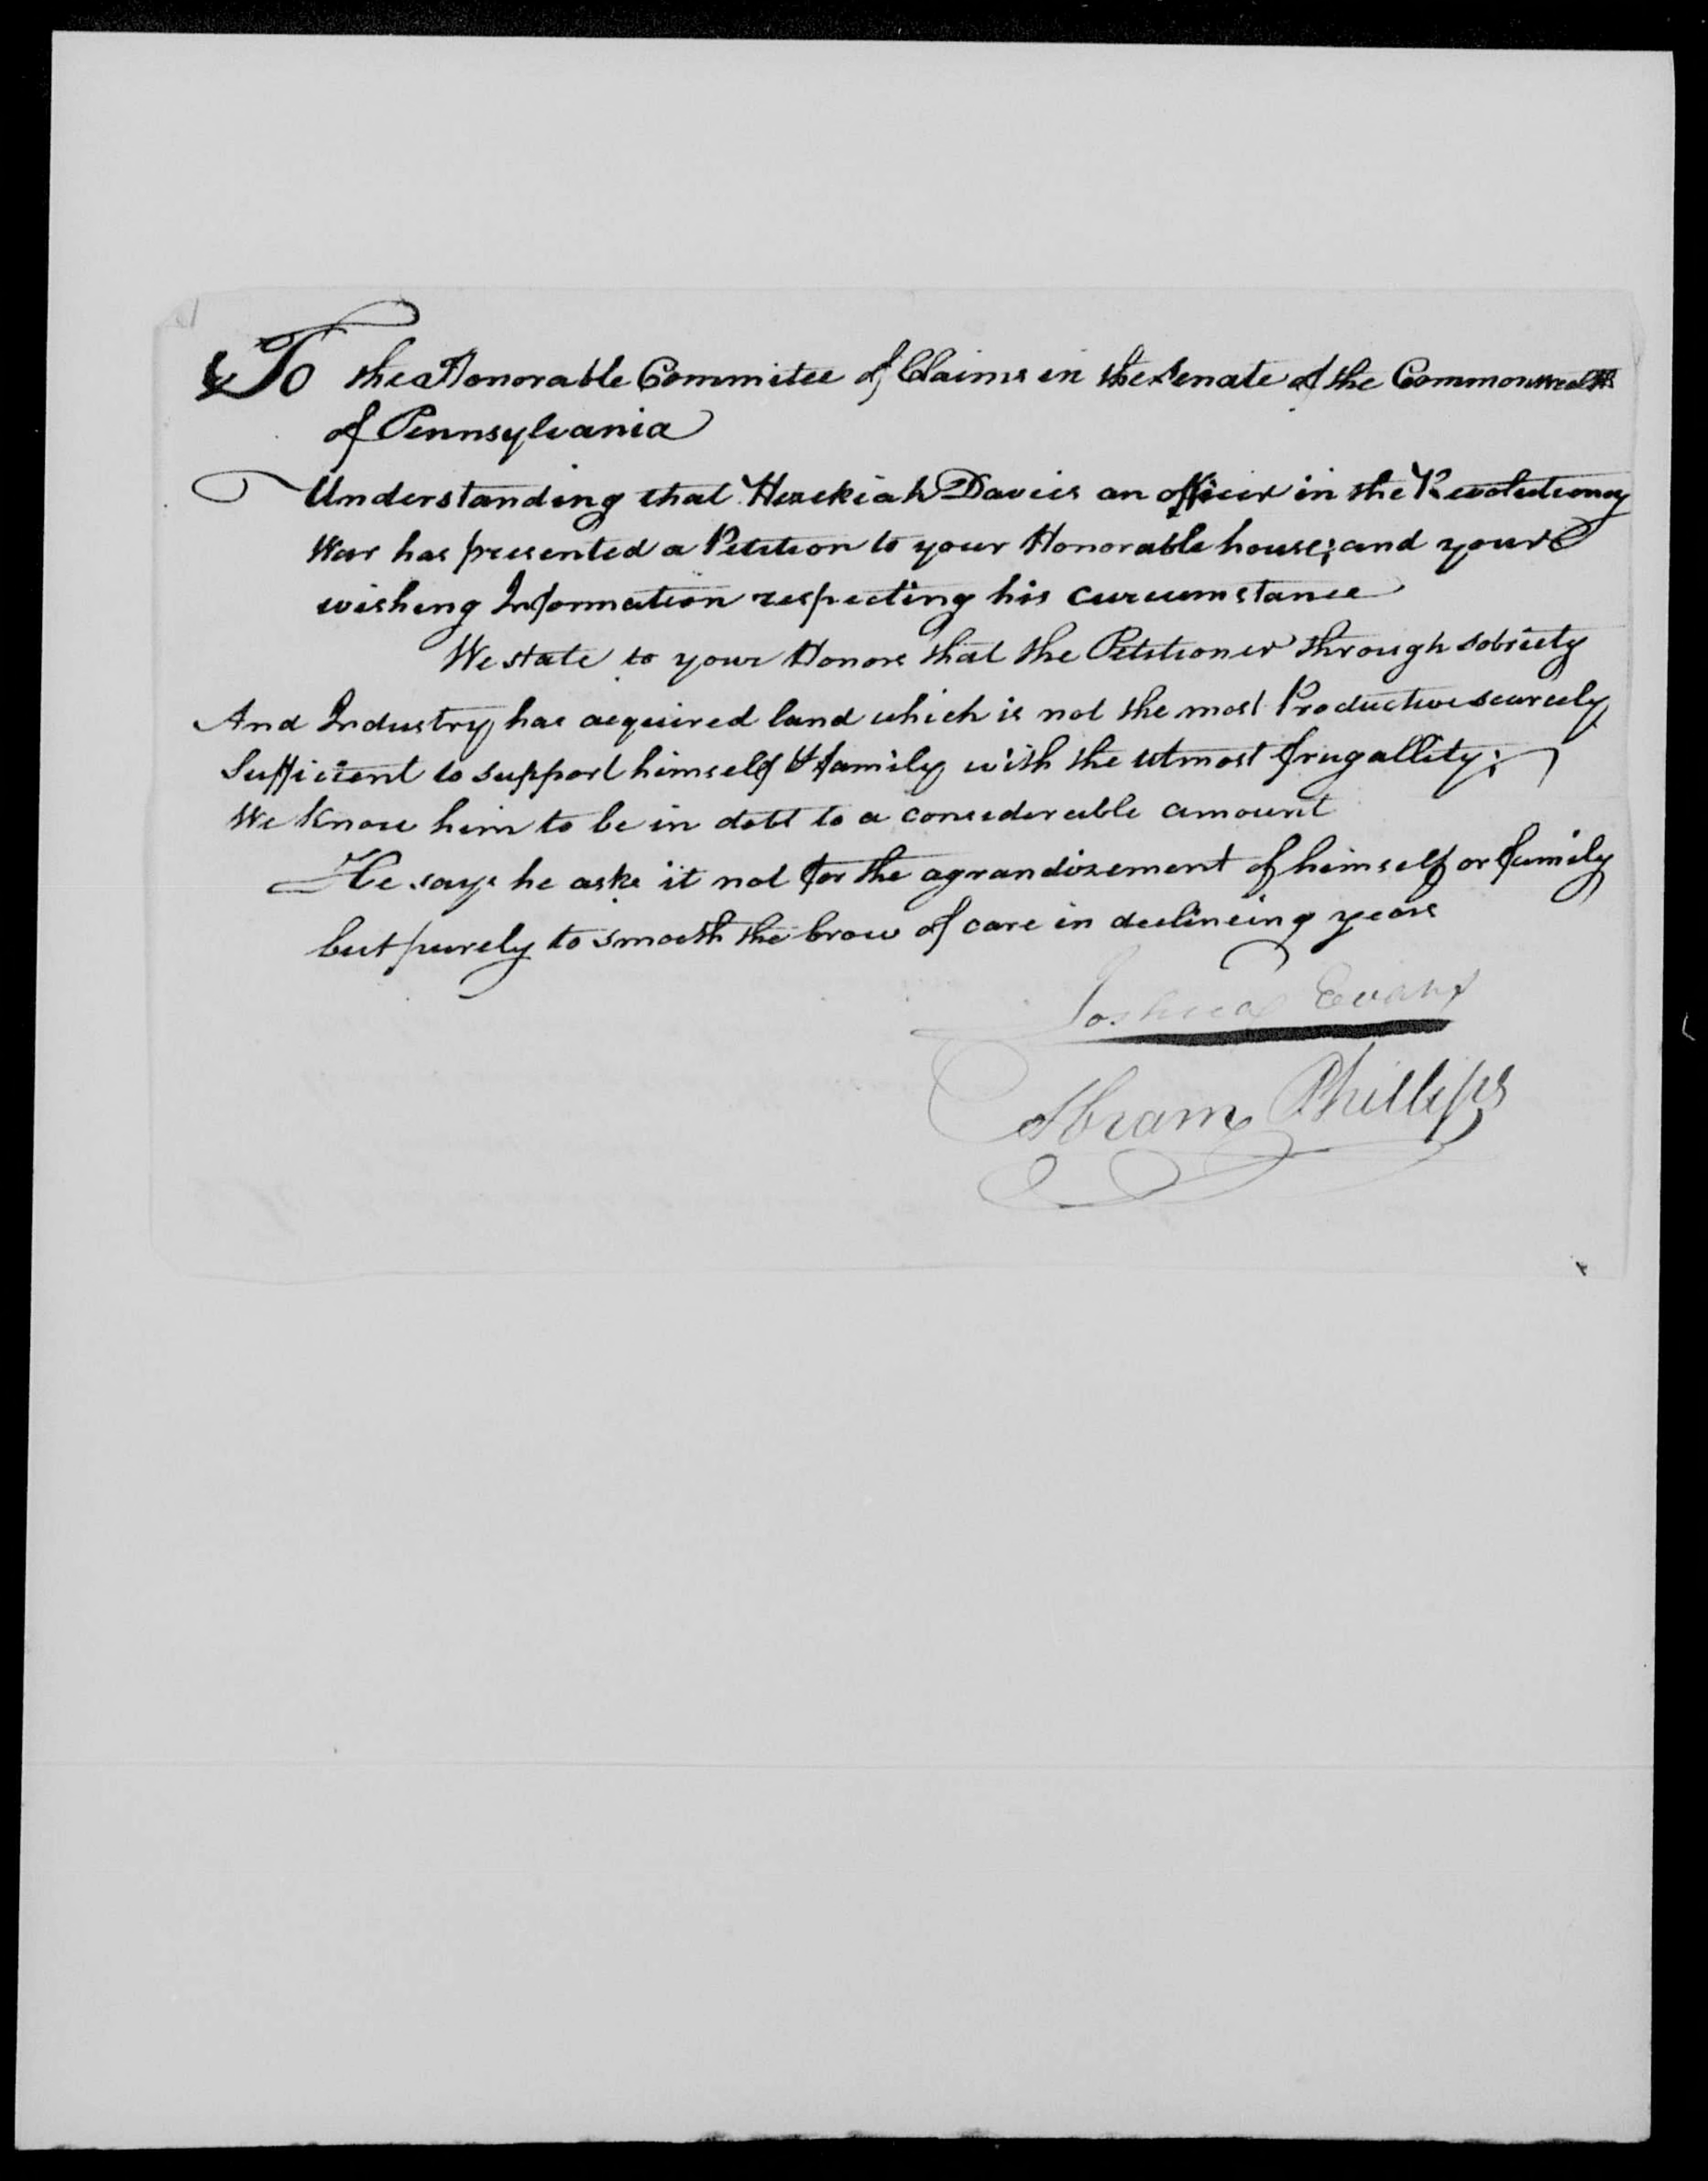To
the Honorable Committee of Claims in the Senate of the Commonwealth
of Pennsylvania
Understanding that Hezekiah Davies an officer in the Revolutionary War
has presented a Petition to your Honorable house; and your
wishing information respecting his curcumstance
We state to your Honor that the Petitioner through sobriety
And Industry has acquired land which is not the most productive scarcely
sufficient to support himself & family with the utmost frugallity:
We know him to be in debt to a considerable amount
He says he asks it not for the agrandizement [aggrandizement] of himself or family
but purely to smooth the brow of care in declining years
[signature] Joshua Evans
[signature] Abram Phillips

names: Joshua Evans, Hezekiah Davies, Abram Phillips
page: 47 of 57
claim: survivor's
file: S. 2161, Hezekiah Davies, Penn